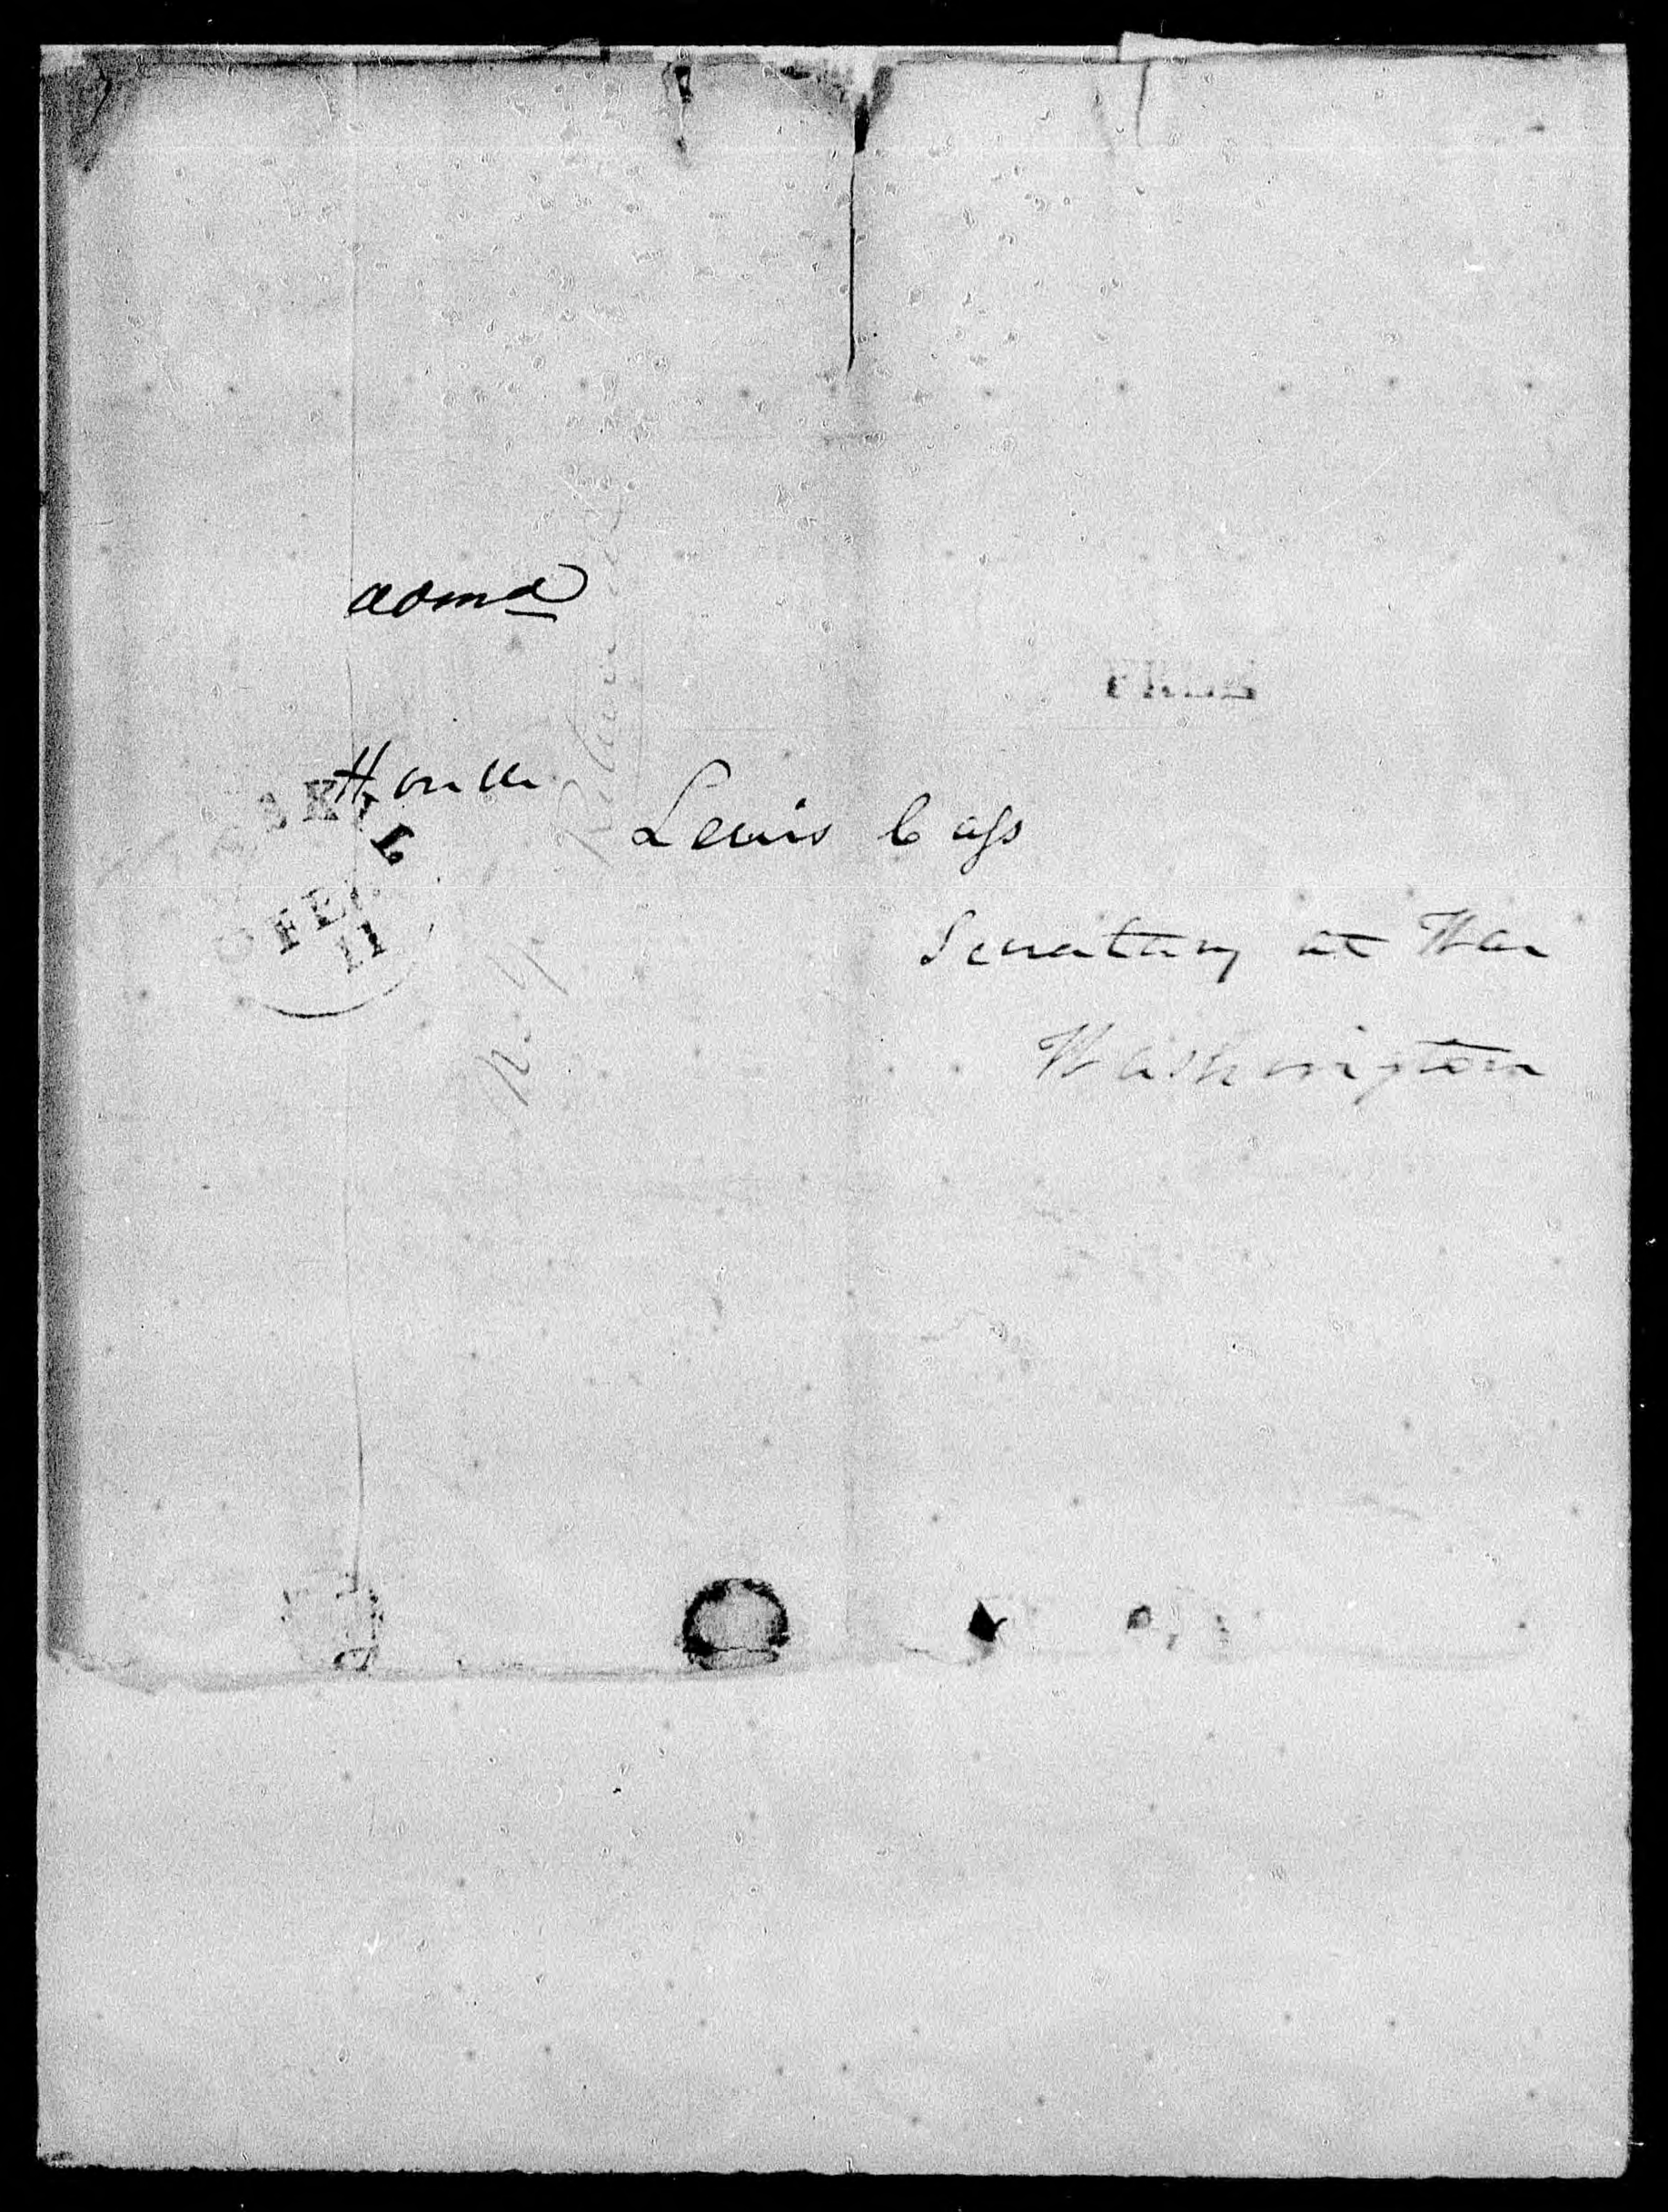admd
FREE [stamped on right side of page]
Honorable Lewis Cass
Secretary at War
Washington
[circular stamp on left side of page] CATSKIL FEB 11
N. Y. Returned [faintly written vertically through the address]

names: Lewis Cass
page: 13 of 54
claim: survivor's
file: S. 13,043, Samuel Foster, Conn.